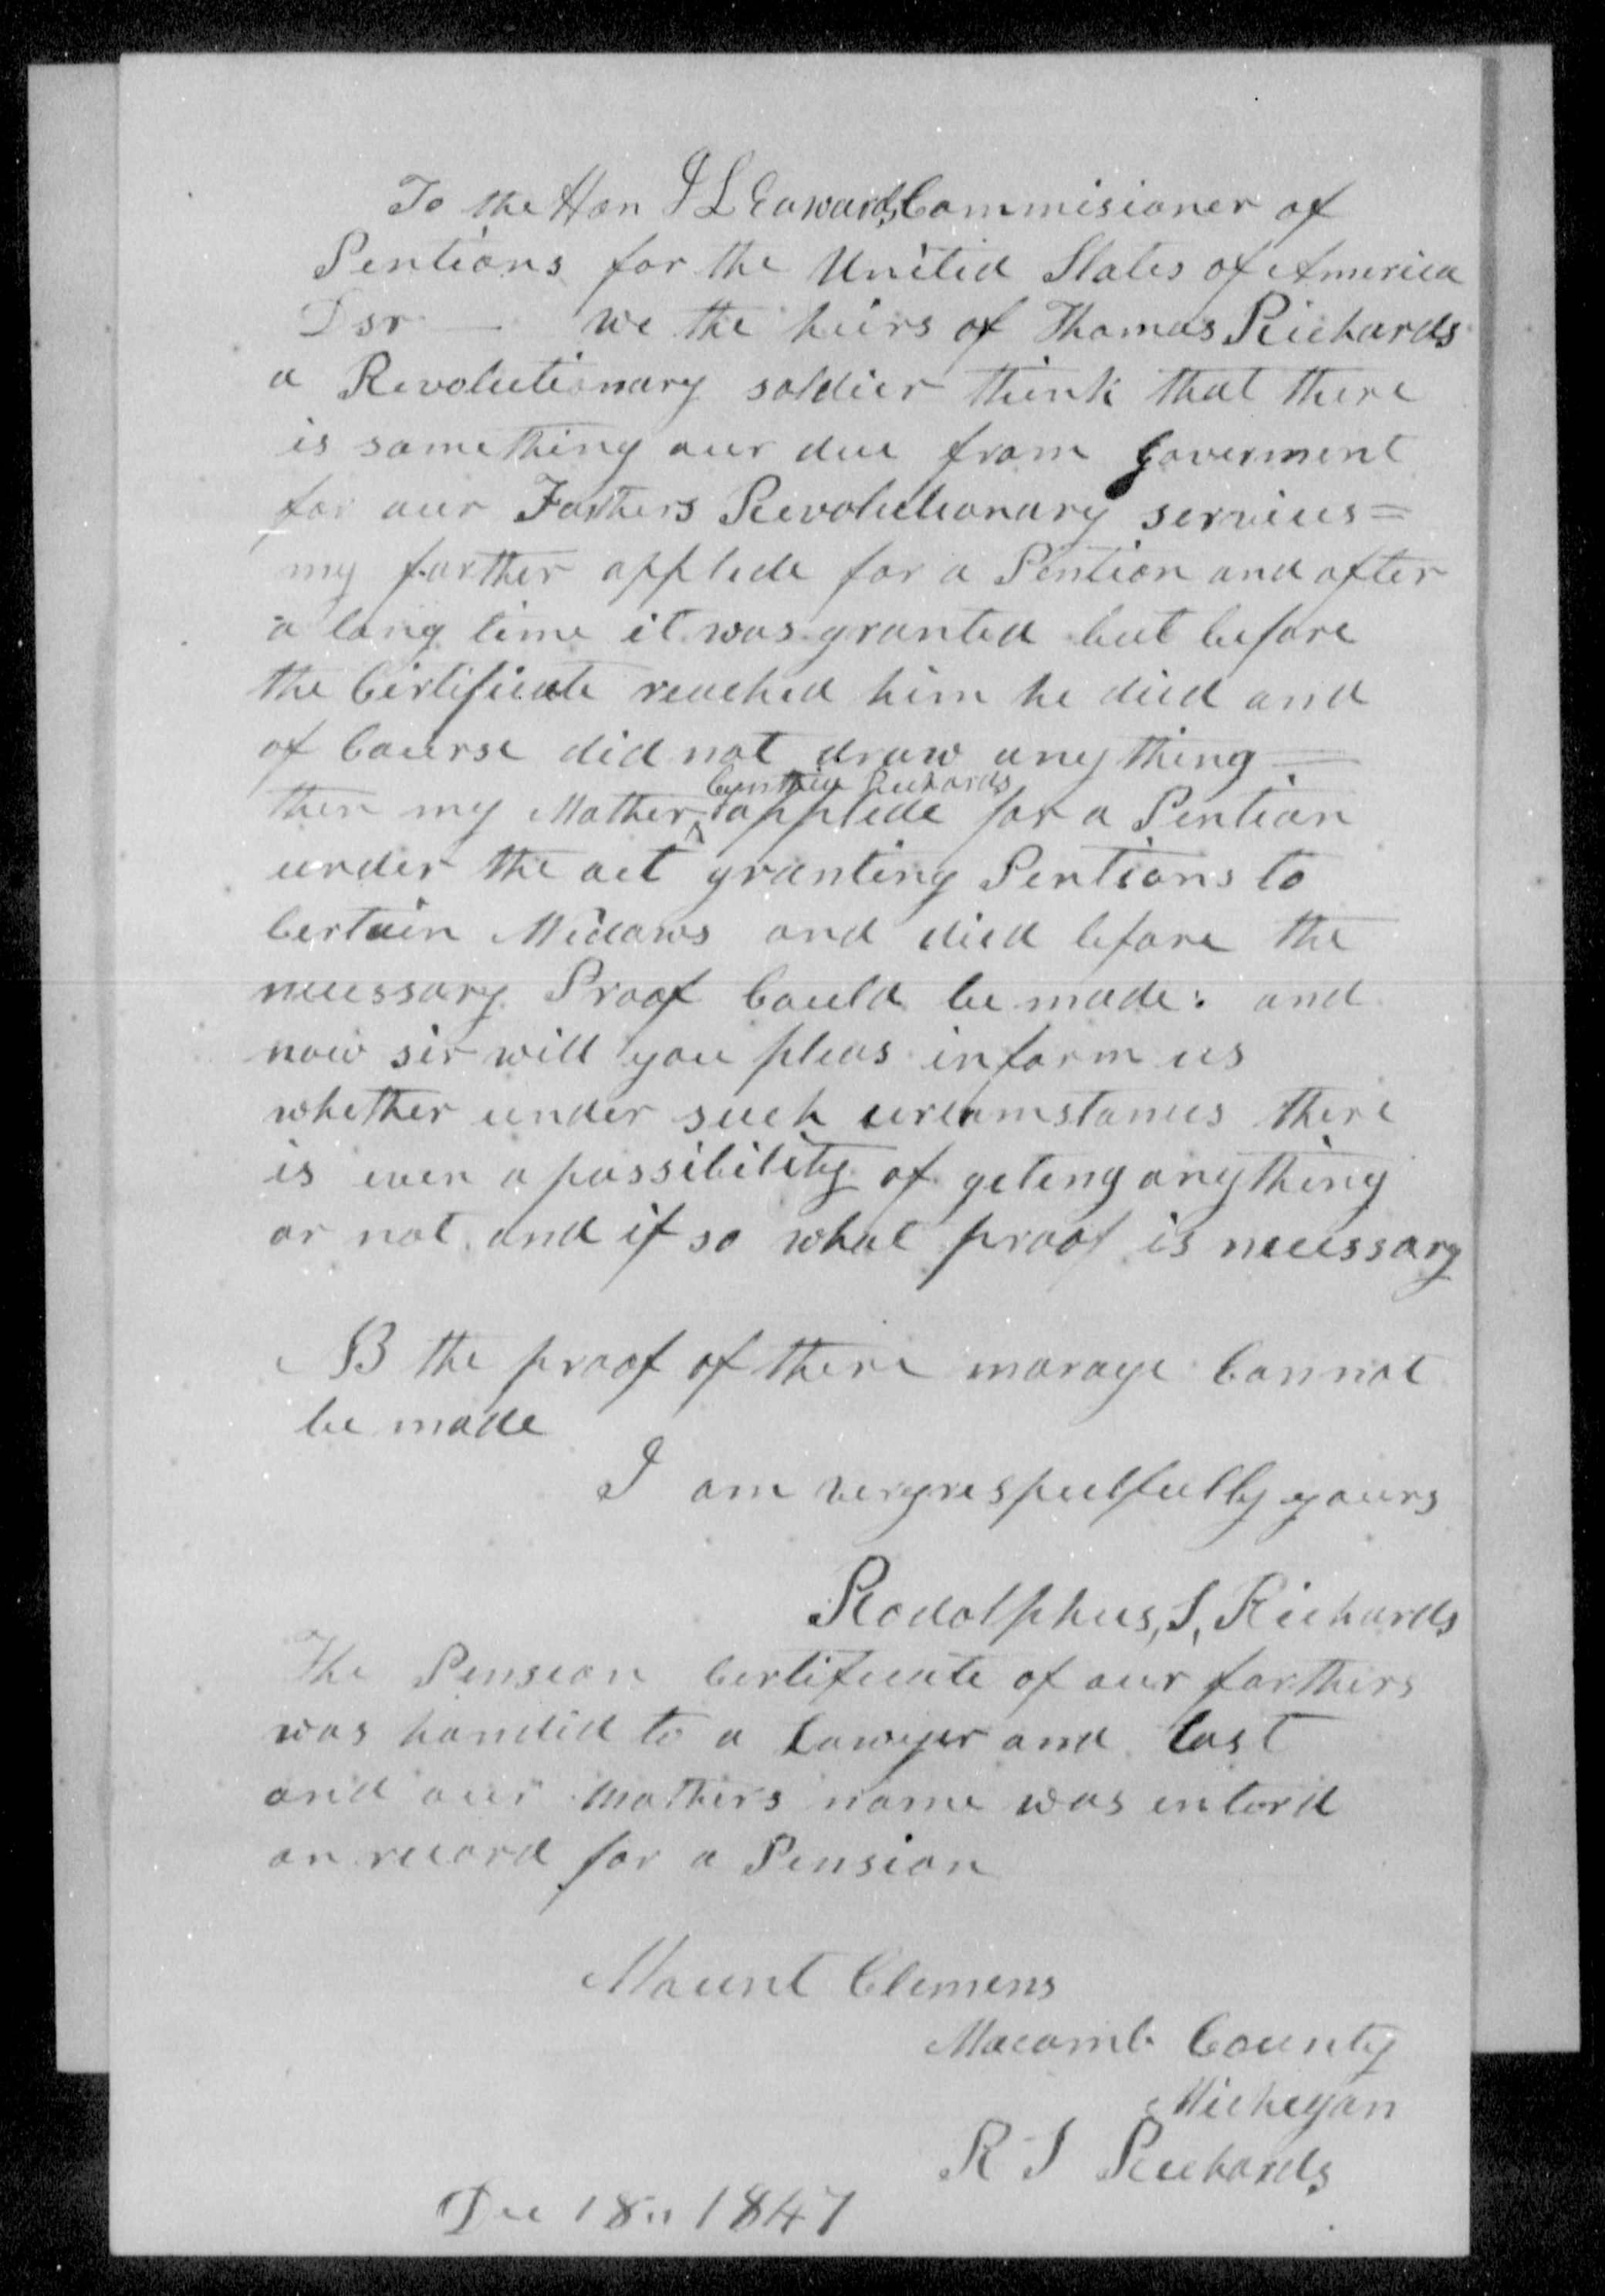To the Hon [HONORABLE] J L Edwards Commisioner  [COMMISSIONER] of
Pentions [PENSIONS] for the United States of America Dsr [DEAR SIR] We the heirs of Thomas Richards a Revolutionary soldier think that there is something our due from government for our Farthers [FATHER'S] Revolutionary services - my farther applide [APPLIED} for a pention and after a long time it was granted but before the Certificate reached him he died and of course did not draw anything then my Mother Cynthia Richards applide for a pention under the act granting Pentions to certain Widows and died before the necessary proof could be made; and now sir will you pleas [PLEASE] inform us whether under such circumstances there is even a possibility of geting [GETTING] anything or not and if so what proof is necessary
NB [take note] the proof of there [THEIR] marage [MARRIAGE] cannot be made
I am very respectfully yours
Rodolphus S. Richards
The Pension Certificate of our farthers was handed to a lawyer and last and our mothers [sic] name was entered on record for a Pension
Mount Clemens
Macomb County
Michigan
R S Richards
Dec 18 1847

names: Rodolphus S Richards; Cynthia Richards; Thomas Richards; J L Edwards; R S Richards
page: 45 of 109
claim: widow's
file: W. 5709, for Thomas Richards, New Hampshire